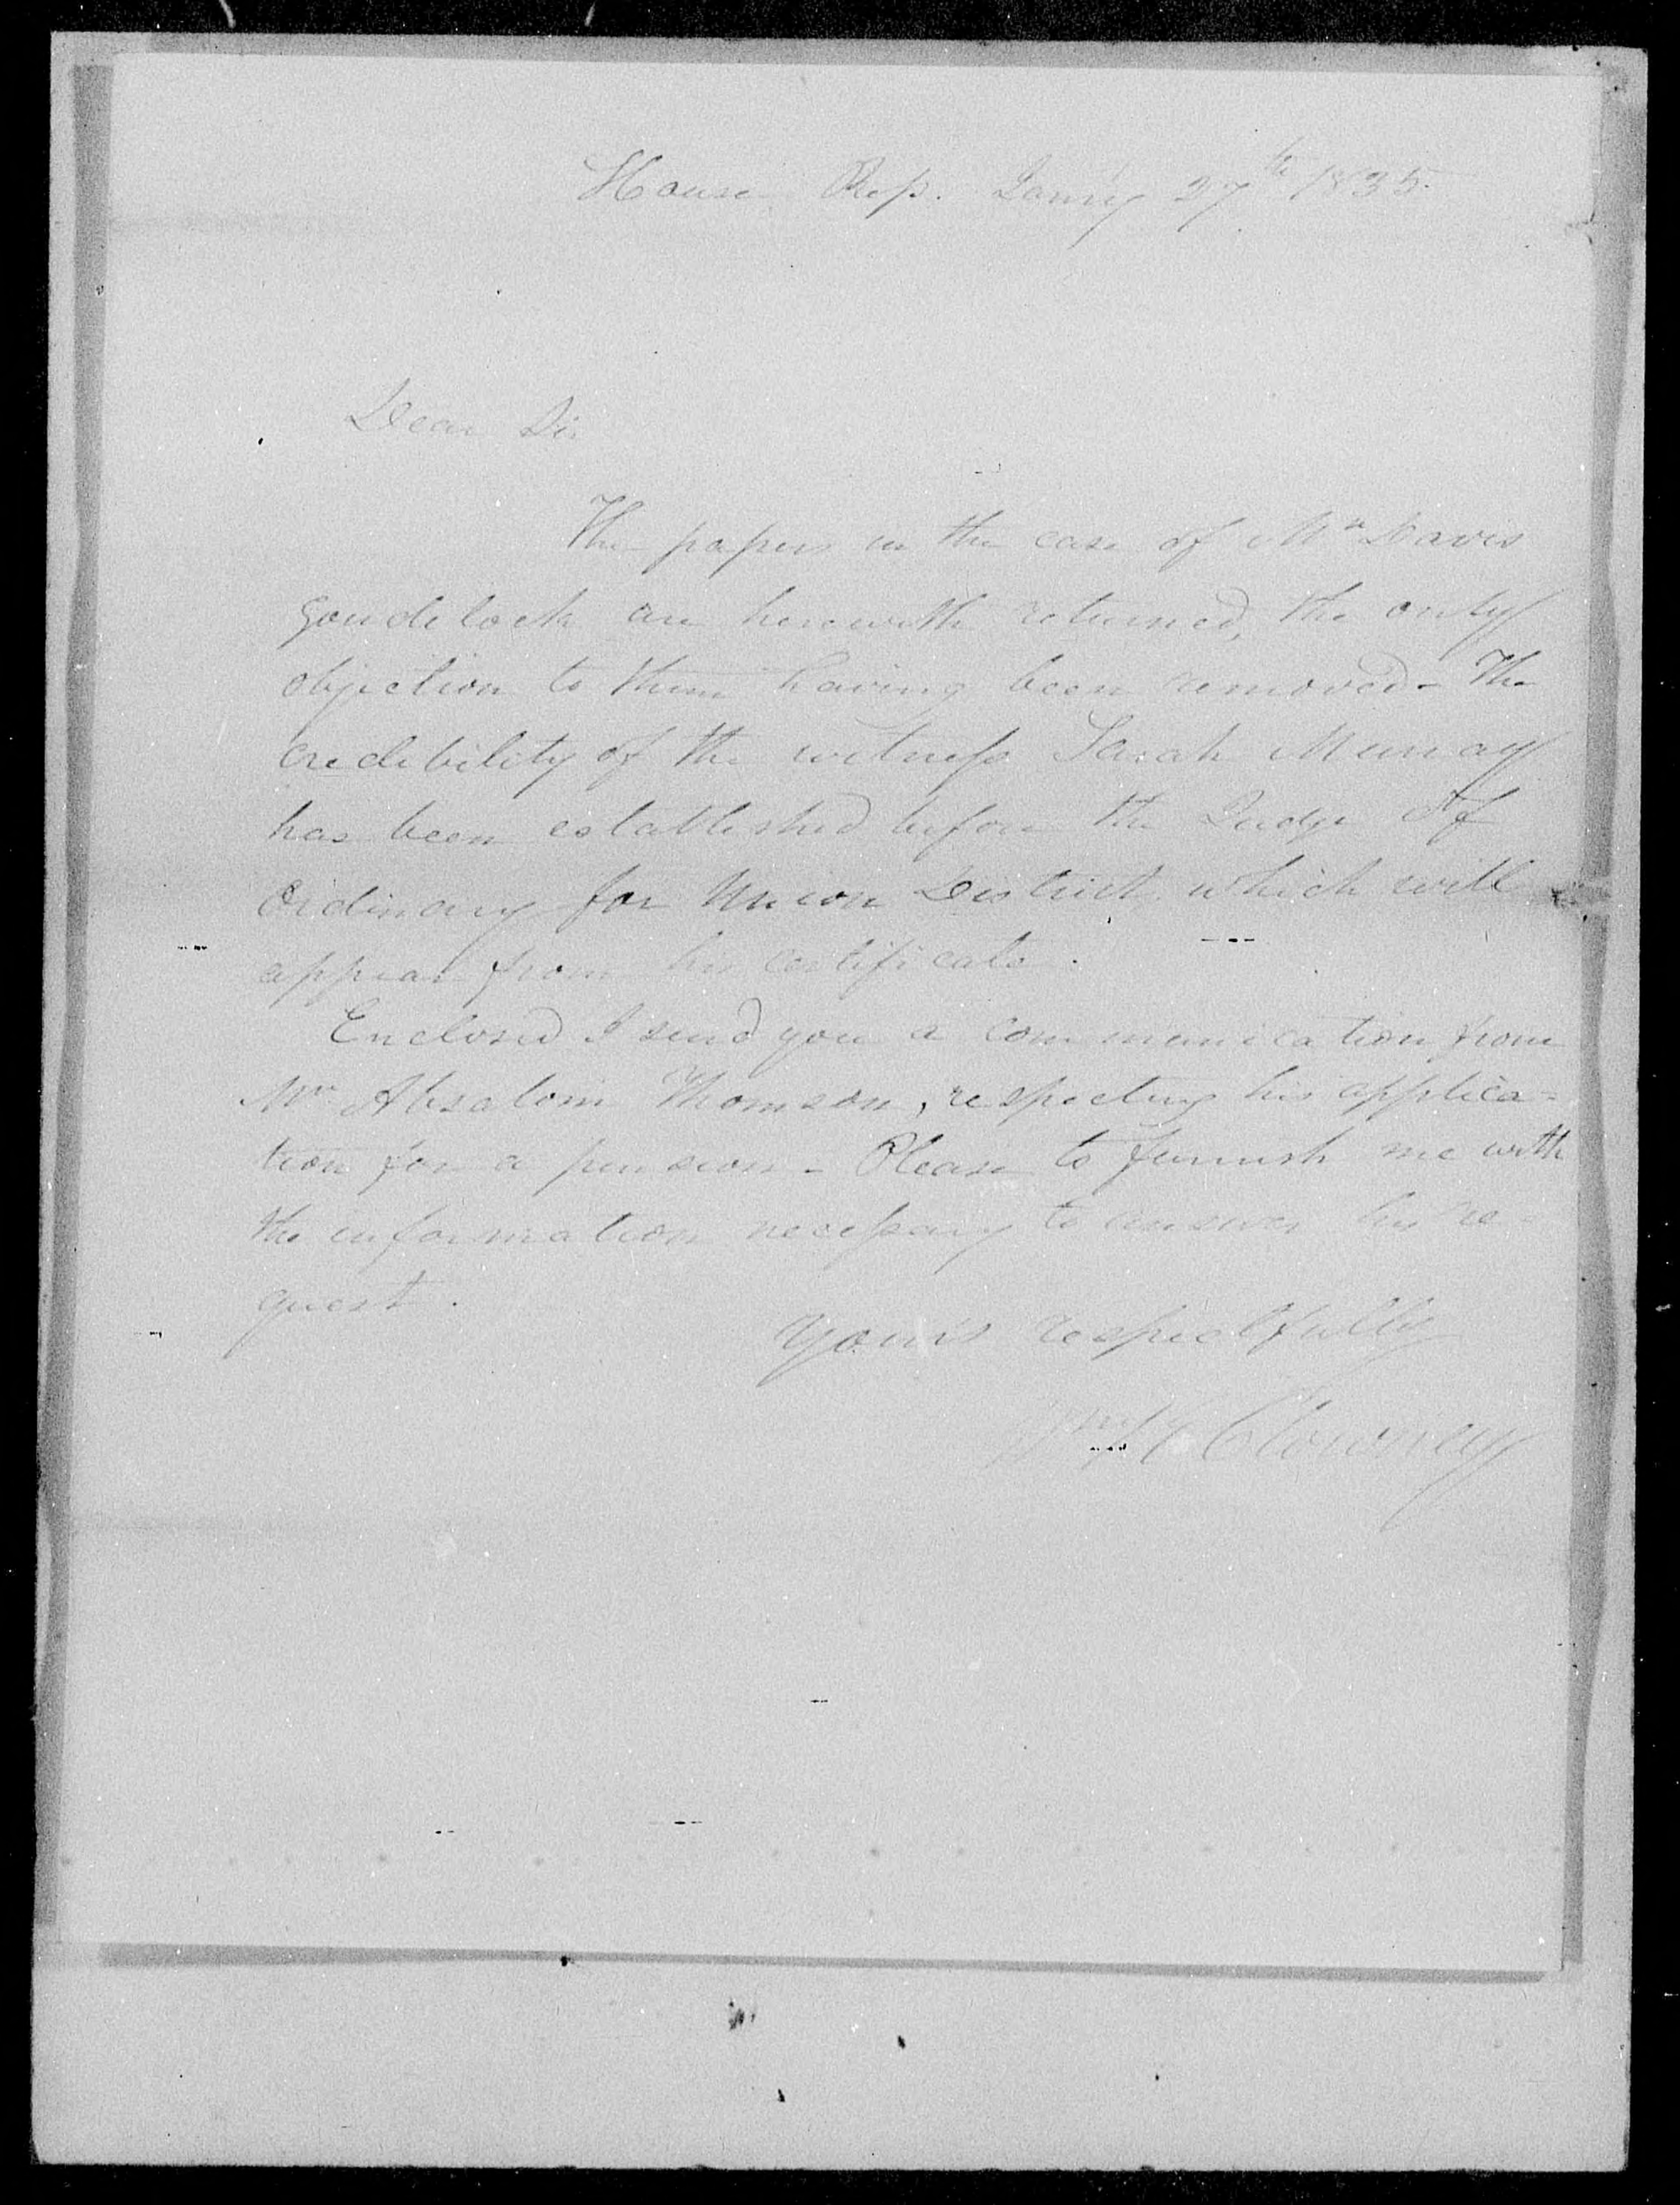House Rep. Jany 27th 1835.
Dear Sir
The papers in the case of Mr Davis Goudelock are herewith returned, the only objection to them having been removed.  The credibility of the witness Sarah Murray has been established before the Judge of Ordinary for Union District which will appear from his certificate.
Enclosed I send you a communication from Mr Absalom Thomson, respecting his application for a pension.  Please to furnish me with the information necessary to answer his request.
Yours Respectfully
Wm H Clowney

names: Absalom Thomson, Davis Goudelock, Sarah Murray, Wm H Clowney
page: 17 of 18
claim: survivor's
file: S. 21,236, Davis Goudelock, S.C.